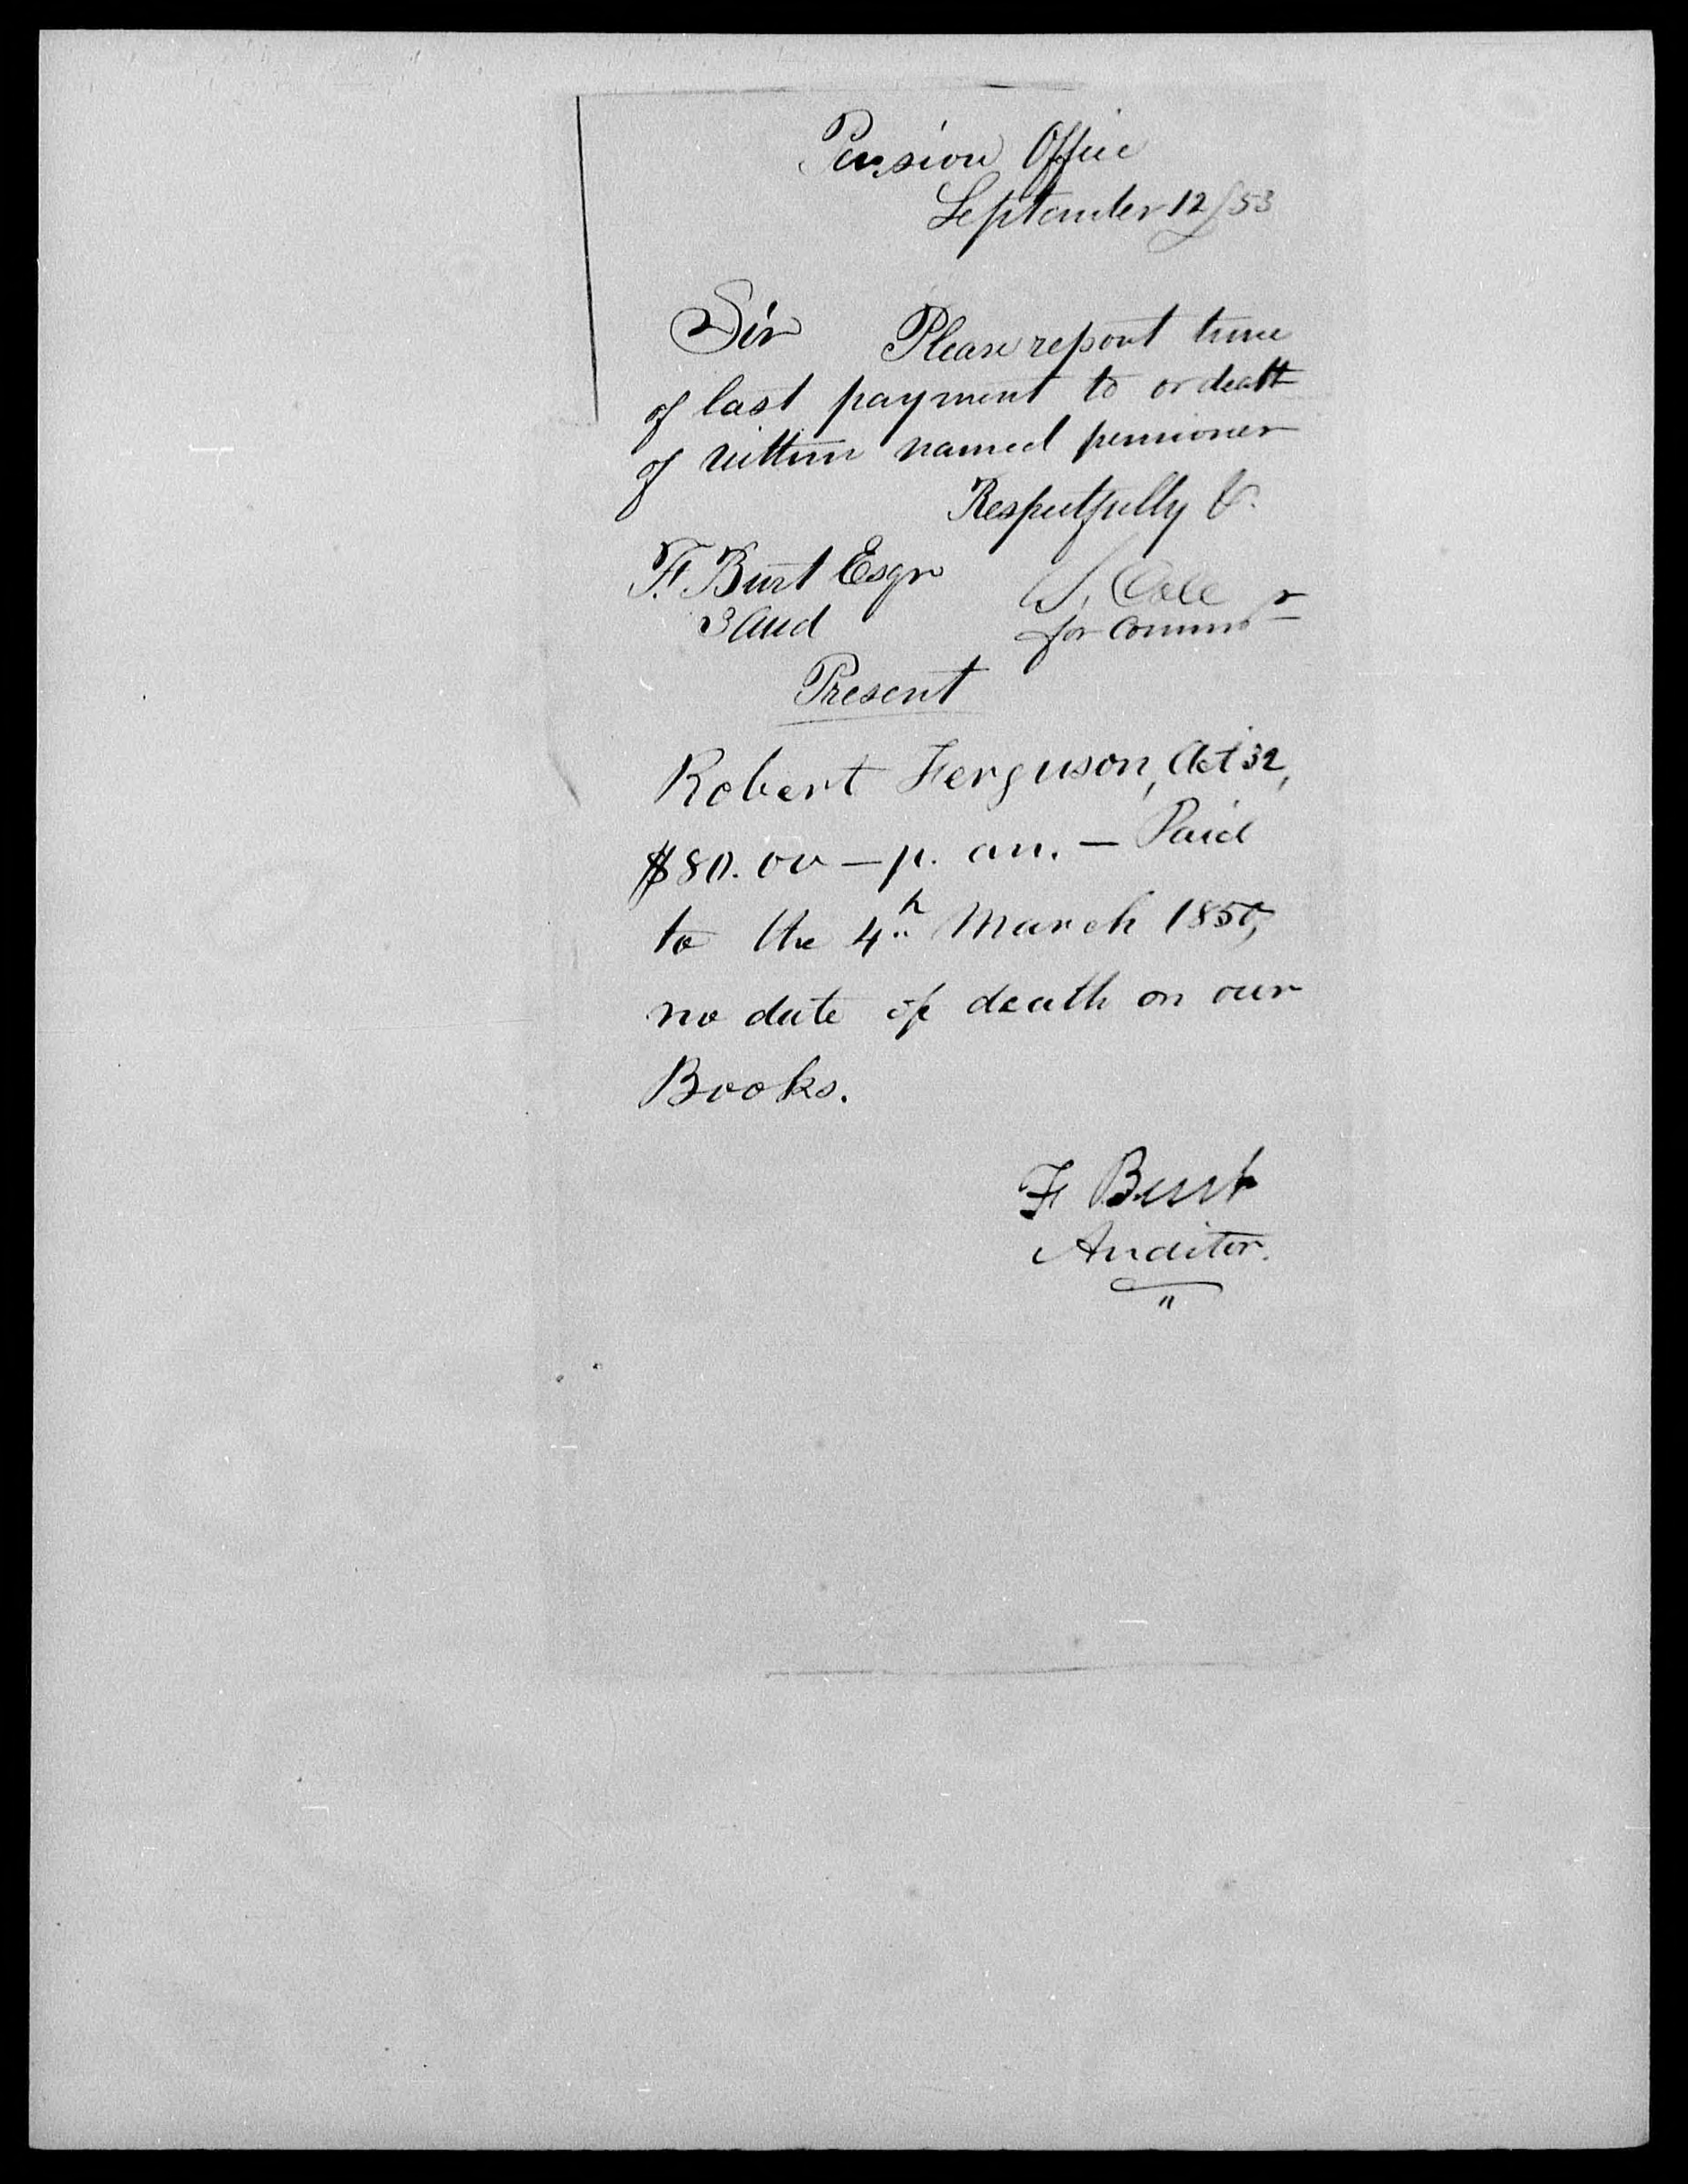Pension Office September 12, 53
Sir
Please report [illegible] of last payment to or death of [illegible] named pensioner
Respectfully
F Burt Esq
S Cole for [illegible]
Present
Robert Ferguson Act 32
$80.00 [illegible] paid
to the 4th March 1850
no date of death on our books
F Burt Auditor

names: Robert Ferguson, S Cole, F Burt, F Burt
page: 26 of 81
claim: widow's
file: W. 7262, Robert Ferguson, Va.